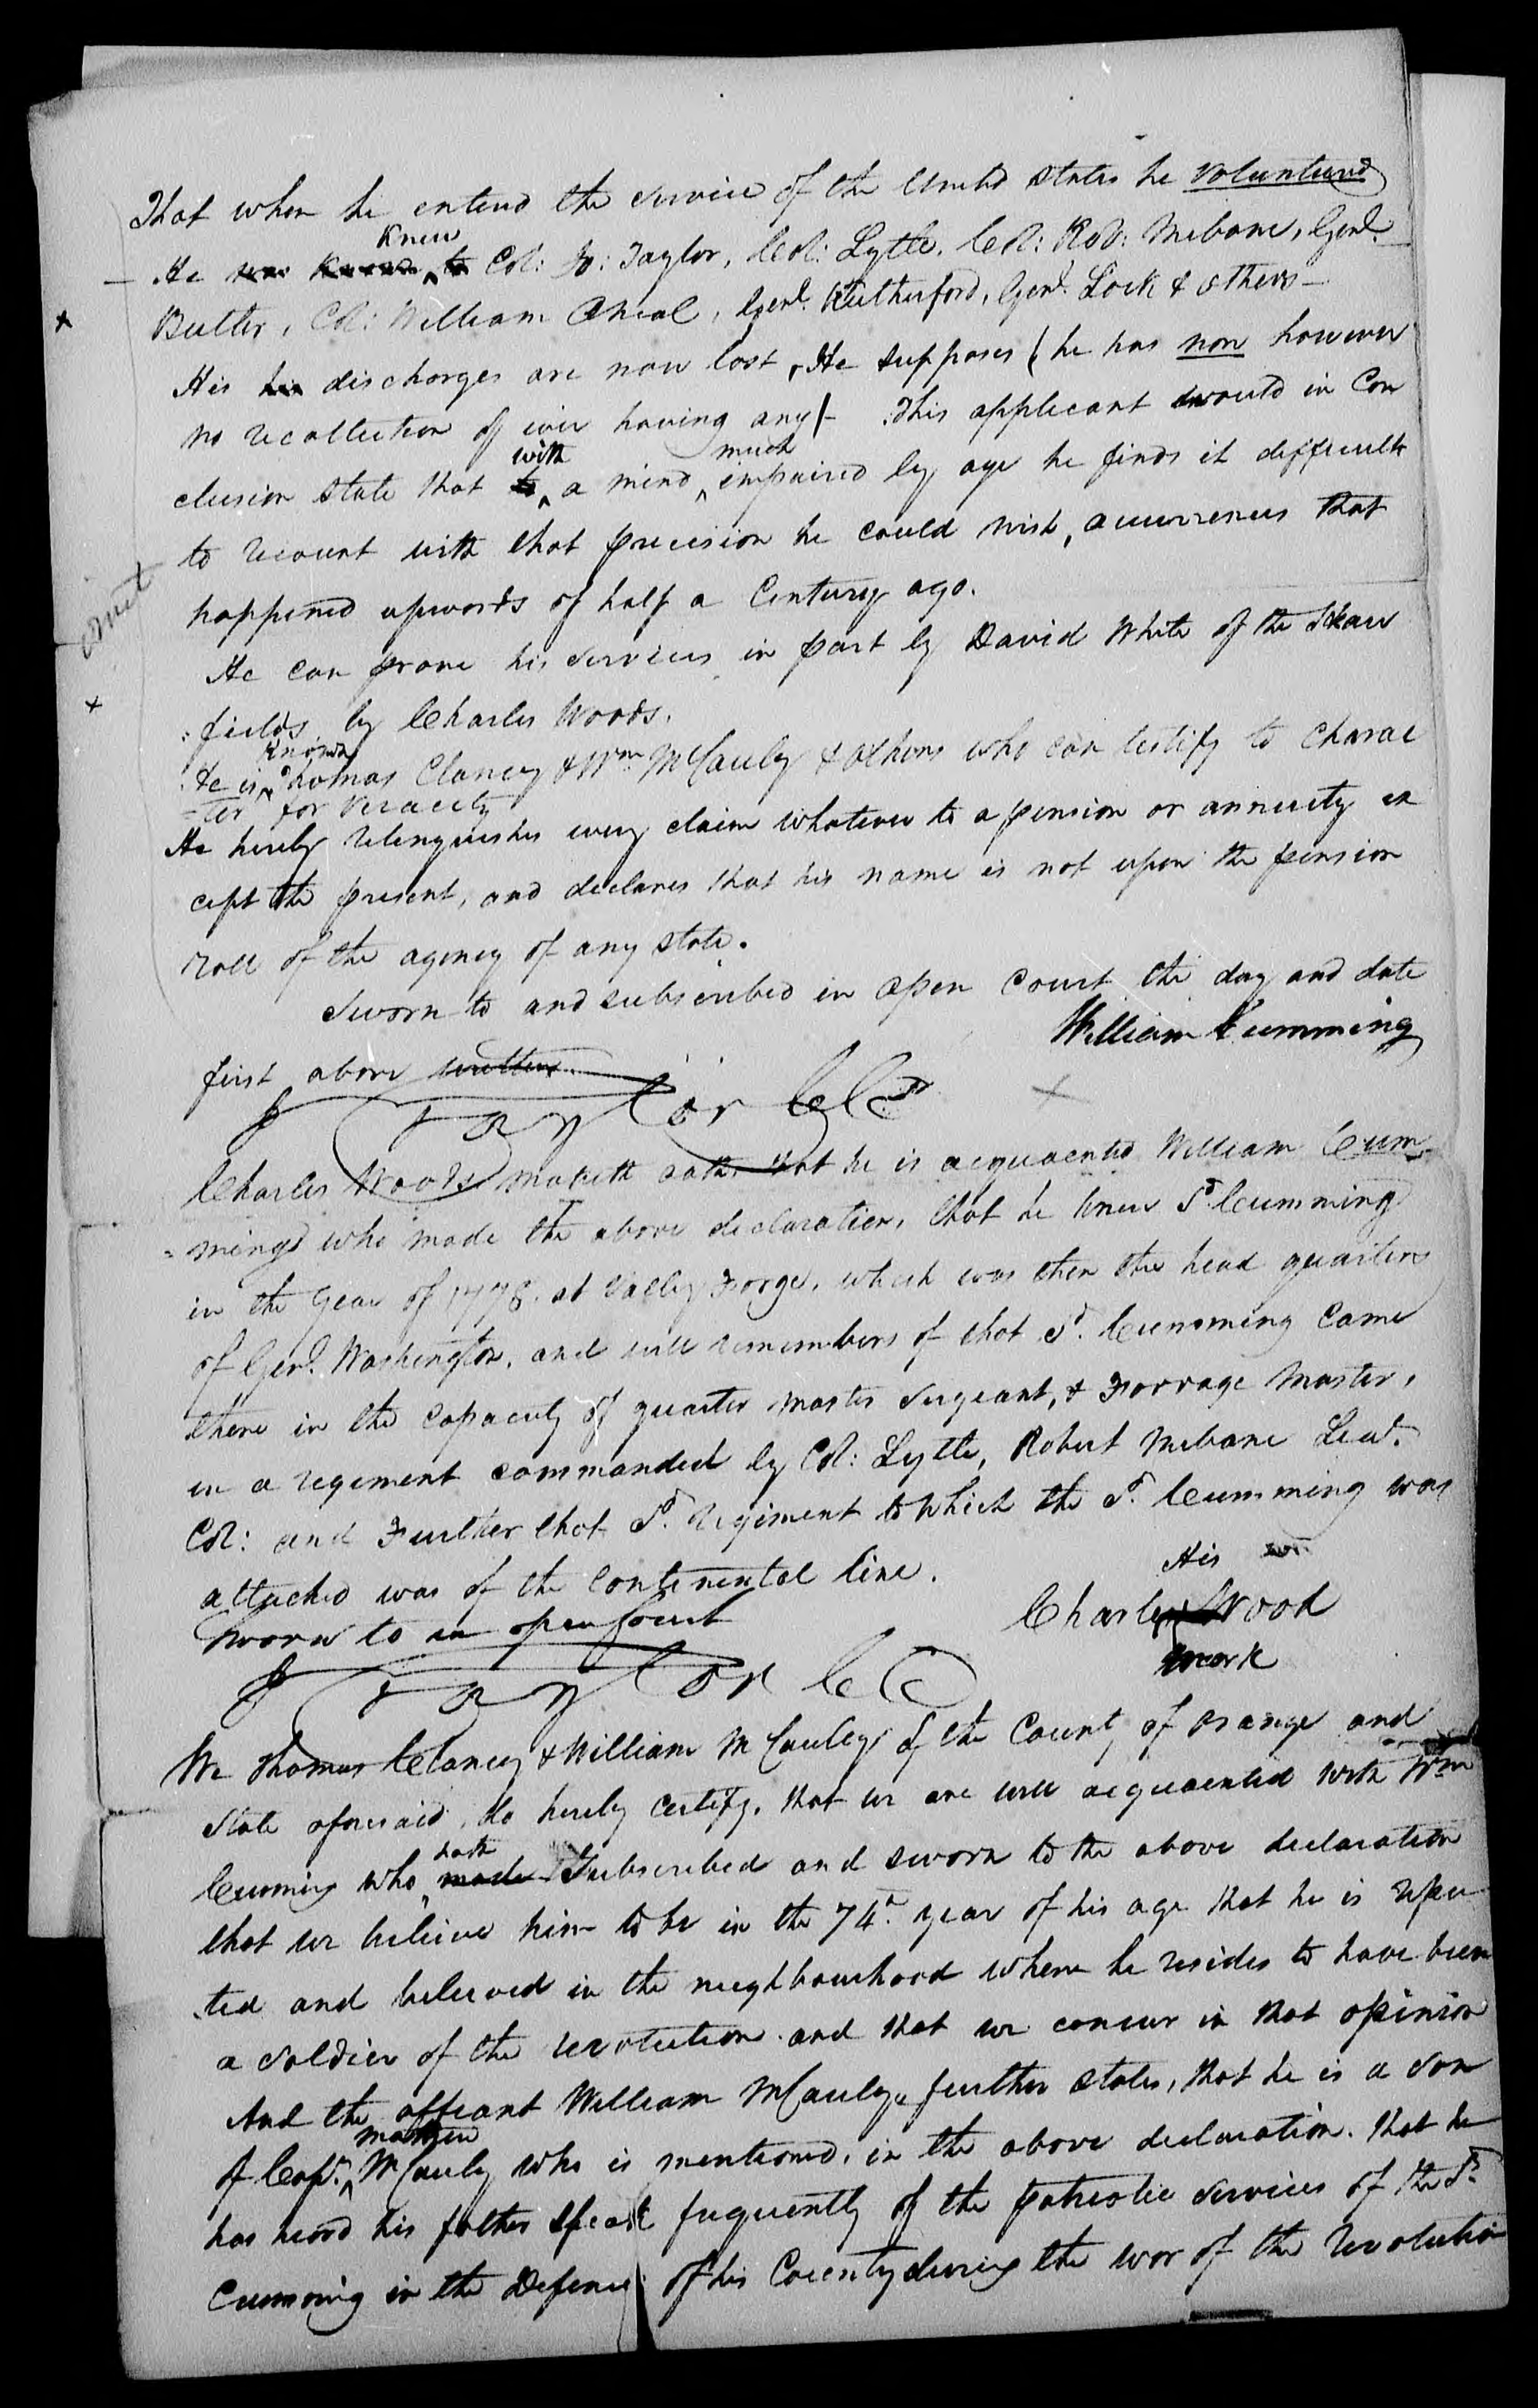[Handwritten record, continued.  Occasional spacing has been included to make the long text block easier to read.]

That when he entered the Service of the United States he [here the following word is underlined] Volunteered
- He ["was Known to" was crossed through] ^Knew Colo. Jo: Taylor, Col. Lytle, Col: Rob: Mebane, Genl. [here there is a small x near the left margin] Butler, Col: William Oneal, Genl. Rutherford, Genl. Lock and others - 

His [here a second "his" is stricken through] discharges are now lost, He supposes (he has [here the next word is underlined] now however no recollection of every having any [here there is a long nearly vertical "l" mark]-  .This applicant would in Conclusion State that [here "to" is stricken through] ^with a mind ^much impaired by age he finds it difficult to recount with that precision he could wish, occurrences that [here the word "correct" is written near the left margin of the record] happened upwards of half a Century ago. 

He can prove his Services in part by David White of the Haw fields. by Charles Woods.

He is ^Known Thomas Clancy and Wm. McCauly [or McCauley] and others who can testify to Charac^ter for Veracity  He hereby relinquishes every claim whatever to a pension or annuity except the present, and declares that his name is not upon the pension roll of the agency of any state.

Sworn to and subscribed in Open Court the day and date first above written.  
[Signature in dark ink_ William Cumming  [There is an X mark slightly underneath the "W" of "William"]
Jo Taylor Clk [Clerk] 

Charles Woods maketh oath that he is acquainted William Cummings who made the above declaration, that he knew Sd. Cumming in the Year of 1776. at Valley Forge, which was then the head quarters of Genl. Washington, and well remembers of that Sd. Cumming Came there in the Capacity of quarter Master Sergeant, and Forrage Master, in a regiment commanded by Col: Lytle, Robert Mebane  Liut. Col: and Further that Sd. Regiment to which the Sd. Cumming was attached was of the Continental line.

[Signature] Charles Wood [with "His mark" and a corresponding mark shown.  There is a small illegible scribble farther right from the word "His,", but it seems to be just a squiggle.]

We Thomas Clancy and William M Cauley of the County of Orange and State aforesaid, to hereby Certify, that we are well acquainted with Wm Cumming who [here the word "made" is stricken through] ^hath Subscribed and sworn to the above declaration that we believe him to be in the 74th. year of his age 

that he is reputed and believed in the neighbourhood where he resides to have been a Soldier of the revolution. and that we concur in that opinion

And the affiant William MCauly further states, that he is a Son of Capt. Mathew [or Matthew] MCauly who is mentioned, in the above declaration.  that he has heard his father Speak frequently of the patriotic Services of the Sd. Cumming in the Defense of his Country during the war of the Revolution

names: Thomas Clancy, Mathew Mc Cauley, Charles Wood, Rob Mc Cane, Jo Taylor, Cumming, Robert Mc Cane, Charles Woods, J Cray Cox, Thomas Clancy, David White, Wm Mc Cauley, Wetherford, William Mc Cauley, Cumming, Lytle, Lock, William Oneal, Butler, Wm Cuming, Washington, William Cumming, J Cray Cox, Cumming, Lytle, Charles Woods, William Mc Cauley, William Cumming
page: 8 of 145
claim: survivor's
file: S. 8265, William Cumming, N.C.